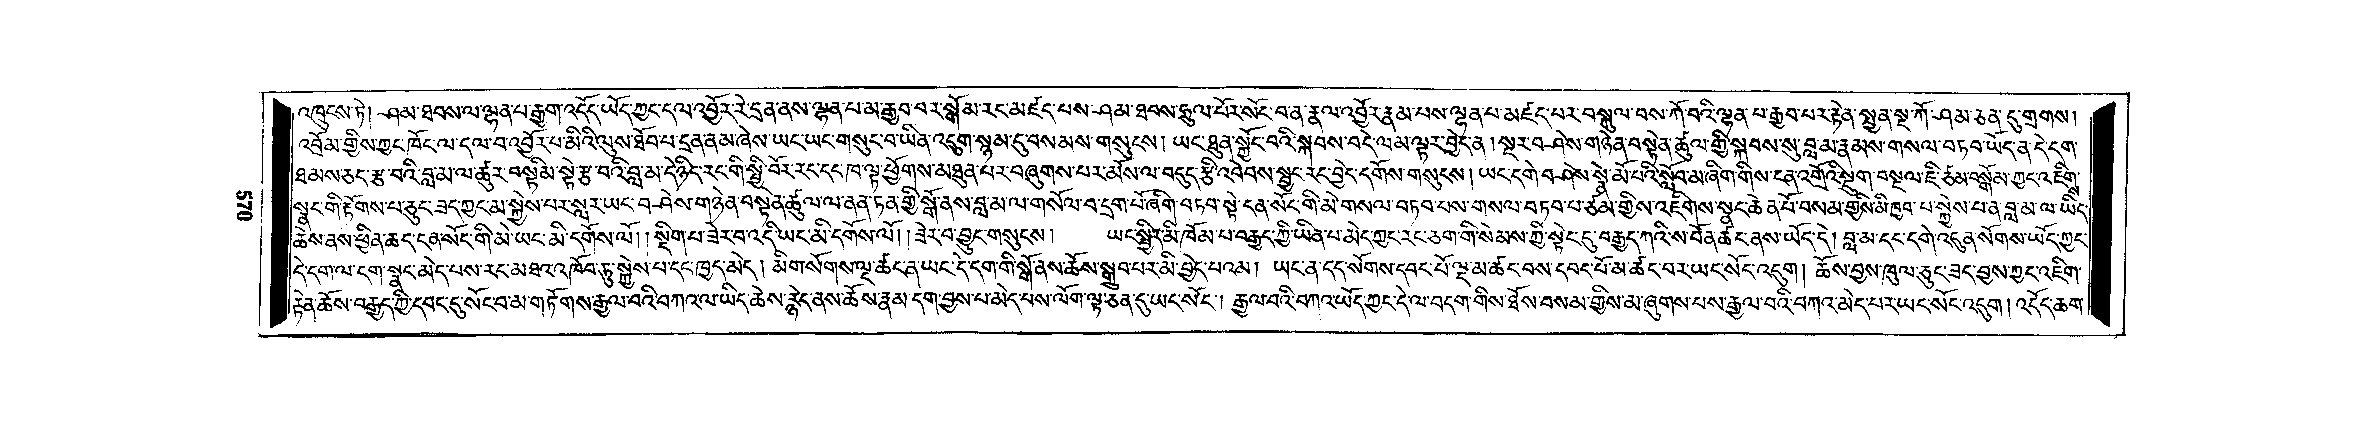འཁྲུངས་ཏེ། ཤམ་ཐབས་ལ་ལྷན་པ་རྒྱག་འདོད་ཡོད་ཀྱང་དལ་འབྱོར་རེ་དྲན་ནས་ལྷན་པ་མ་རྒྱབ་བར་སྒོམ་རང་མཛད་པས་ཤམ་ཐབས་ཧྲུལ་པོར་སོང་བ་ན་རྣལ་འབྱོར་རྣམ་པས་ལྷན་པ་མཛད་པར་བསྐུལ་བས་ཀོ་བའི་ལྷན་པ་རྒྱབ་པར་རྟེན་སྤྱན་སྔ་ཀོ་ཤམ་ཅན་དུ་གྲགས།
འབྲོམ་གྱིས་ཀྱང་ཁོང་ལ་དལ་བ་འབྱོར་པ་མིའི་ལུས་ཐོབ་པ་དྲན་ནམ་ཞེས་ཡང་ཡང་གསུང་བ་ཡིན་འདུག་སྙམ་དུ་བསམས་གསུངས། ཡང་ཐུན་སྐྱོང་བའི་སྐབས་བདེ་ལམ་ལྟར་བྱེད་ན། སྔར་བཤེས་གཉེན་བསྟེན་ཚུལ་གྱི་སྐབས་སུ་བླ་མ་རྣམས་གསལ་བཏབ་ཡོད་ན་དེ་དག་
ཐམས་ཅད་རྩ་བའི་བླ་མ་ལ་ཚུར་བསྟིམ་སྟེ་རྩ་བའི་བླ་མ་དེ་ཉིད་རང་གི་སྤྱི་བོར་རང་དང་ཁ་ལྟ་ཕྱོགས་མཐུན་པར་བཞུགས་པར་མོས་ལ་བདུད་རྩི་འབེབས་སྦྱང་རང་བྱེད་དགོས་གསུངས། ཡང་དགེ་བཤེས་སྣེ་མོ་པའི་སློབ་མ་ཞིག་གིས་ངན་འགྲོའི་སྡུག་བསྔལ་ཇི་ཙམ་བསྒོམ་ཀྱང་འཇིགས་
སྣང་གི་རྟོགས་པ་ཅུང་ཟད་ཀྱང་མ་སྐྱེས་པར་སླར་ཡང་བཤེས་གཉེན་བསྟེན་ཚུལ་ལ་ནན་ཏན་གྱི་སྒོ་ནས་བླ་མ་ལ་གསོལ་བ་དྲག་པོ་ཞིག་བཏབ་སྟེ་ངན་སོང་གི་མེ་གསལ་བཏབ་པས་གསལ་བཏབ་པ་ཙམ་གྱིས་འཇིགས་སྣང་ཆེན་པོ་བསམ་གྱིས་མི་ཁྱབ་པ་སྐྱེས་པ་ན་བླ་མ་ལ་ཡིད་
ཆེས་ནས་ཕྱིན་ཆད་ངན་སོང་གི་མེ་ཡང་མི་དགོས་ལོ། །སྡིག་པ་ཟེར་བ་འདི་ཡང་མི་དགོས་ལོ། །ཟེར་བ་བྱུང་གསུངས། ཡང་སྤྱིར་མི་ཁོམ་པ་བརྒྱད་ཀྱི་ཡིན་པ་མེད་ཀྱང་རང་ཅག་གི་སེམས་ཀྱི་སྟེང་དུ་བརྒྱད་ཀའི་ས་བོན་ཚང་ནས་ཡོད་དེ། བླ་མ་དང་དགེ་འདུན་སོགས་ཡོད་ཀྱང་
དེ་དག་ལ་དག་སྣང་མེད་པས་རང་མཐའ་འཁོབ་ཏུ་སྐྱེས་པ་དང་ཁྱད་མེད། མིག་སོགས་ལྔ་ཚང་ན་ཡང་དེ་དག་གི་སྒོ་ནས་ཆོས་སྒྲུབ་པར་མི་བྱེད་པའམ། ཡང་ན་དད་སོགས་དབང་པོ་ལྔ་མ་ཚང་བས་དབང་པོ་མ་ཚང་བར་ཡང་སོང་འདུག །ཆོས་བྱས་ཁུལ་ཅུང་ཟད་བྱས་ཀྱང་འཇིག་
རྟེན་ཆོས་བརྒྱད་ཀྱི་དབང་དུ་སོང་བ་མ་གཏོགས་རྒྱལ་བའི་བཀའ་ལ་ཡིད་ཆེས་རྙེད་ནས་ཆོས་རྣམ་དག་བྱས་པ་མེད་པས་ལོག་ལྟ་ཅན་དུ་ཡང་སོང་། རྒྱལ་བའི་བཀའ་ཡོད་ཀྱང་དེ་ལ་བདག་གིས་ཐོས་བསམ་གྱིས་མ་ཞུགས་པས་རྒྱལ་བའི་བཀའ་མེད་པར་ཡང་སོང་འདུག །འདོད་ཆག་